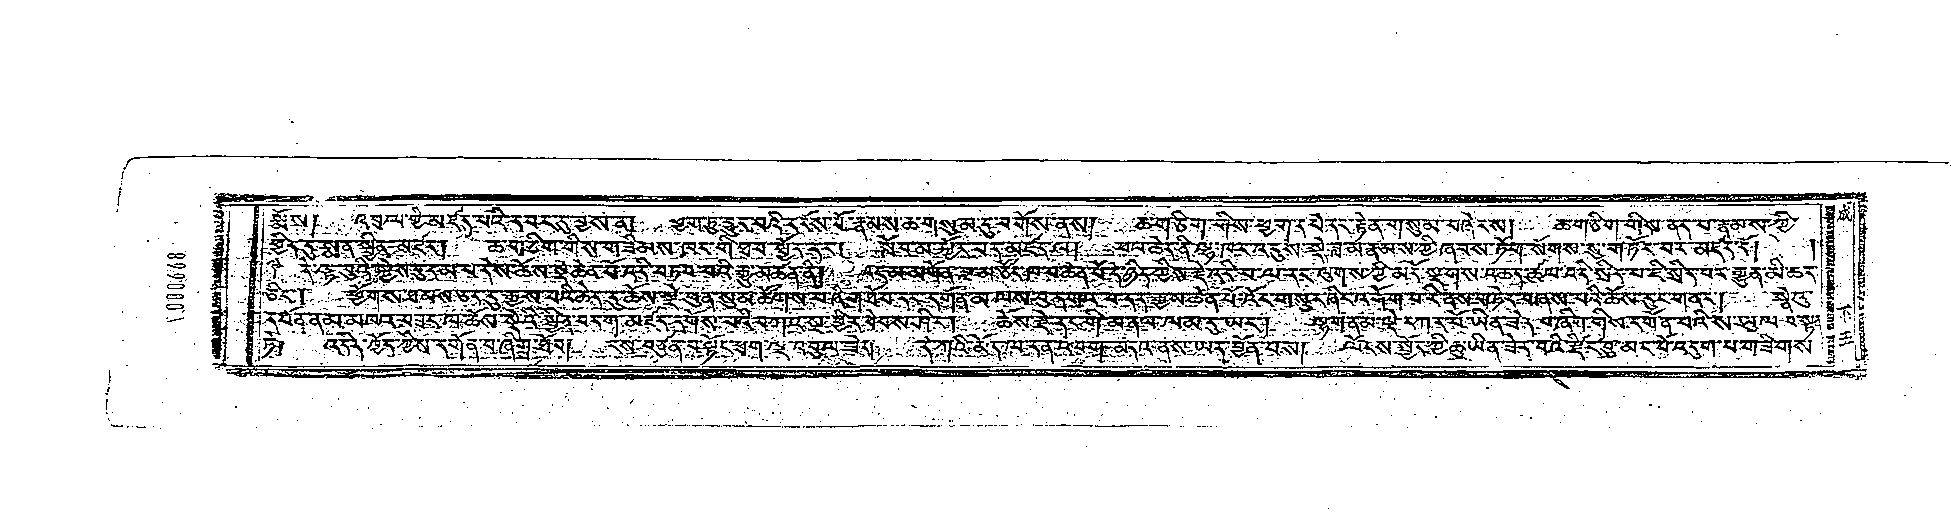སྨོས། འཕྲལ་གྱི་མཛད་པའི་དབང་དུ་བྱས་ན། ཕྱག་ཏུ་བྱུང་བའི་དངོས་པོ་རྣམས་ཆ་གསུམ་དུ་བགོས་ནས། ཆ་གཅིག་གིས་ཕྱག་དཔེ་དང་རྟེན་གསུམ་བཞེངས། ཆ་གཅིག་གིས་ནད་པ་རྣམས་ཀྱི་
ཕྱིར་དུ་སྨན་སྦྱིན་མཛད། ཆ་གཅིག་གིས་གཟིམས་ཁང་གི་ཐབ་སྤྱོད་དང་། སློབ་མ་སྐྱོད་པར་མཛད་ལ། ཕལ་ཆེད་ནི་ལྷ་ཁང་འདུས་སྡེ་བླ་མ་རྣམས་ཀྱི་ཞབས་ཏོག་སོགས་སུ་གཏོང་བར་མཛད་དོ། །
༈ དེ་ལྟ་བུའི་སྐྱེས་བུ་དམ་པ་དེས་ཆོས་སྡེ་ཆེན་པོ་འདི་བཏབ་པའི་རྒྱུ་མཚན་ནི། འཇམ་མགོན་བླ་མ་ཙོང་ཁ་བ་ཆེན་པོ་དེ་ཉིད་ཀྱིས་རྗེ་འདི་པ་ལ་རང་ལུགས་ཀྱི་མདོ་སྔགས་འཆད་ཚུལ་འདི་སྲིད་པ་ཇི་སྲིད་པར་རྒྱུན་མི་ཆད་
ཅིང་། ཕྱོགས་ཐམས་ཅད་དུ་རྒྱས་པའི་ཆེད་དུ་ཆོས་སྡེ་ཕུན་སུམ་ཚོགས་པ་ཞིག་ཐོབ་དང་དགོན་མ་ལས་བུ་དགའ་བ་དར་རྒྱས་ཆེན་པོ་འོང་གསུང་ཞིང་འགོག་པ་རི་ནས་གཏེར་བཞས་པའི་ཆོས་དུང་གནང་། སྣེའུ་
དབོན་ནམ་མཁའ་བཟང་ལ་ཆོས་སྡེའི་སྦྱིན་བདག་མཛད་དགོས་པའི་བཀའ་སྔ་ཕྱིར་ཕེབས་ཤིང་། ཆོས་རྗེ་རང་གི་མནལ་ལམ་དུ་ཡང་། ལྷ་གནམ་ལྡེ་དཀར་པོ་ཡིན་ཟེར་བ་ཞིག་གིས་དགོན་པའི་ས་ཡུལ་བསྟན་
ཏེ། འདིར་ཁྱོད་ཀྱིས་དགོན་པ་ཞིག་ཐོབ། ངས་བཙུན་པ་སྟོང་ཕྲག་ལྔ་འབུལ་ཟེར། དེ་ཀའི་མོད་ལ་དན་འབག་མདའ་ནས་ཡར་བྱོན་པས། ལོངས་སྤྱོད་ཀྱི་ཆུ་ཡིན་ཟེར་བའི་རྫིང་བུ་མང་པོ་འདུག་པ་གཟིགས་